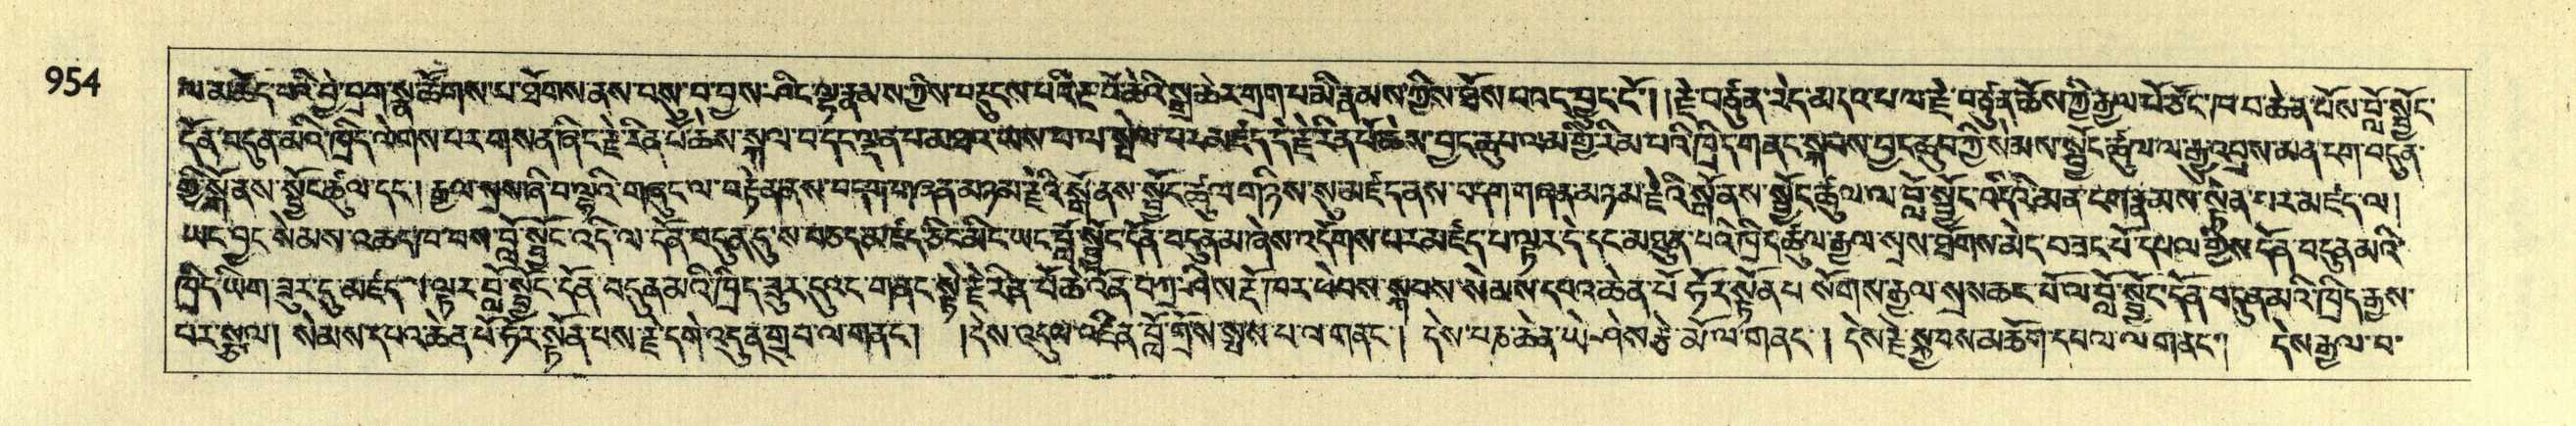ལ་མཆོད་པའི་བྱེ་བྲག་སྣ་ཚོགས་པ་ཐོགས་ནས་བསུ་བ་བྱས་ཤིང་ལྷ་རྣམས་ཀྱིས་བརྡུངས་པའི་རྔ་བོ་ཆེའི་སྒྲ་ཆེར་གྲག་པ་མི་རྣམས་ཀྱིས་ཐོས་པའང་བྱུང་ངོ། །རྗེ་བཙུན་རེད་མདའ་པ་ལ་རྗེ་བཙུན་ཆོས་ཀྱི་རྒྱལ་པོ་ཙོང་ཁ་བ་ཆེན་པོས་བློ་སྦྱོང་
དོན་བདུན་མའི་ཁྲིད་ལེགས་པར་གསན་ཞིང་རྗེ་རིན་པོ་ཆེས་སྐལ་བ་དང་ལྡན་པ་མཐའ་ཡས་པ་ལ་སྤེལ་པར་མཛད་དེ་རྗེ་རིན་པོ་ཆེས་བྱང་ཆུབ་ལམ་གྱི་རིམ་པའི་ཁྲིད་གནང་སྐབས་བྱང་ཆུབ་ཀྱི་སེམས་སྦྱོང་ཚུལ་ལ་རྒྱུ་འབྲས་མན་ངག་བདུན་
གྱི་སྒོ་ནས་སྦྱོང་ཚུལ་དང་། རྒྱལ་སྲས་ཞི་བ་ལྷའི་གཞུང་ལ་བརྟེན་ནས་བདག་གཞན་མཉམ་རྗེའི་སྒོ་ནས་སྦྱོང་ཚུལ་གཉིས་སུ་མཛད་ནས་བདག་གཞན་མཉམ་རྗེའི་སྒོ་ནས་སྦྱོང་ཚུལ་ལ་བློ་སྦྱོང་འདིའི་མན་ངག་རྣམས་སྟེན་པར་མཛད་ལ།
ཡང་བྱང་སེམས་འཆད་ཁ་བས་བློ་སྦྱོང་འདི་ལ་དོན་བདུན་དུ་ས་བཅད་མཛད་ཅིང་མིང་ཡང་བློ་སྦྱོང་དོན་བདུན་མ་ཞེས་འདོགས་པར་མཛད་པ་ལྟར་དེ་དང་མཐུན་པའི་ཁྲིད་ཚུལ་རྒྱལ་སྲས་ཐོགས་མེད་བཟང་པོ་དཔལ་གྱིས་དོན་བདུན་མའི་
ཁྲིད་ཡིག་ཟུར་དུ་མཛད་ལ་ལྟར་བློ་སྦྱོང་དོན་བདུན་མའི་ཁྲིད་ཟུར་དུའང་གནང་སྟེ་རྗེ་རིན་པོ་ཆེ་འོན་བཀྲ་ཤིས་རྡོ་ཁར་ཕེབས་སྐབས་སེམས་དཔའ་ཆེན་པོ་ཧོར་སྟོན་པ་སོགས་རྒྱལ་སྲས་ཆང་པོ་ལ་བློ་སྦྱོང་དོན་བདུན་མའི་ཁྲིད་རྒྱས་
པར་སྩལ། སེམས་དཔའ་ཆེན་པོ་ཧོར་སྟོན་པས་རྗེ་དགེ་འདུན་གྲུབ་ལ་གནང་། །དེས་འདུལ་འཛིན་བློ་གྲོས་སྤས་པ་ལ་གནང་། དེས་པཎ་ཆེན་ཡེ་ཤེས་རྩེ་མོ་ལ་གནང་། དེས་རྗེ་སྐྱབས་མཆོག་དཔལ་ལ་གནང་། དེས་རྒྱལ་བ་